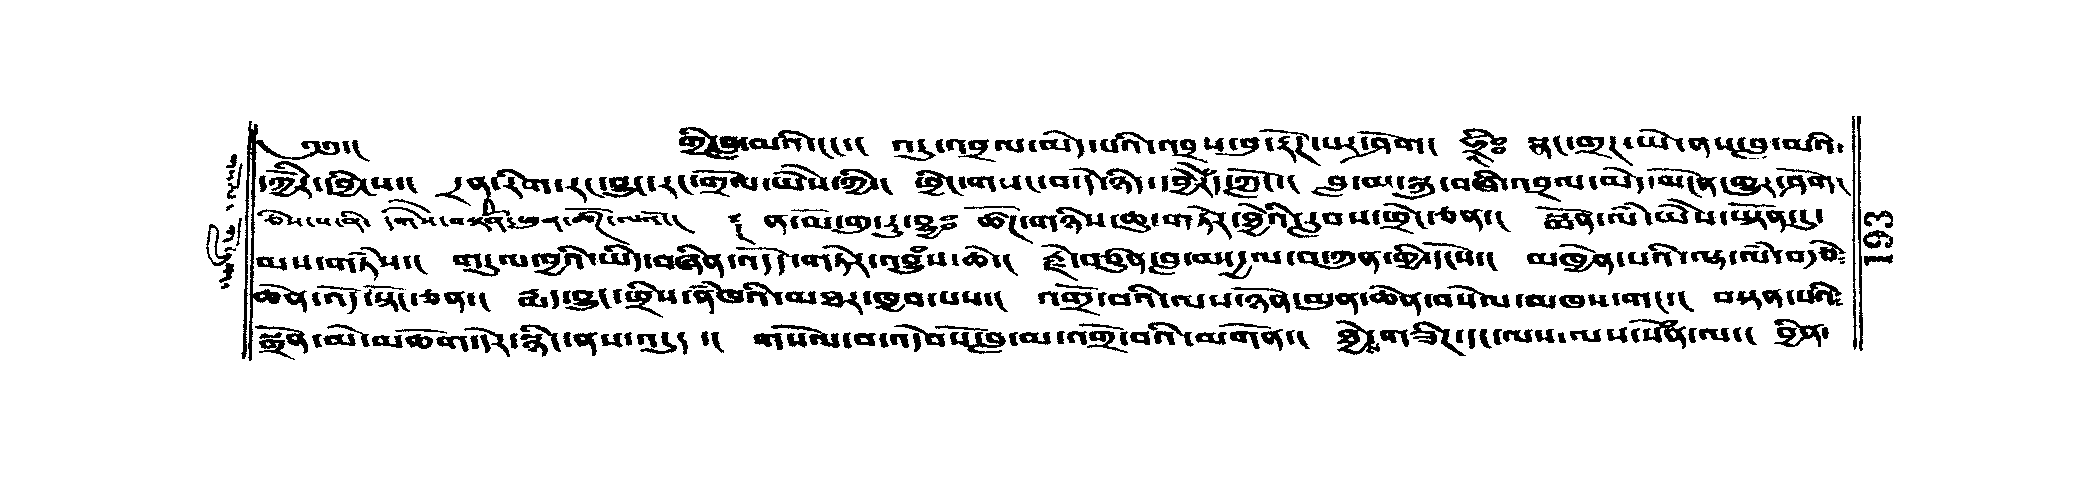གྱི་བླ་མའི་ངང་། །འདུ་འབྲལ་མེད་པའི་འབྲས་བུ་རྟོགས་པར་ཤོག ཧྲཱིཿ སྣང་གྲགས་ཡེ་ནས་བླ་མའི་
དཀྱིལ་འཁོར་དབྱིངས། །དྲན་རིག་རང་བྱུང་རང་གྲོལ་ཡེ་ཤེས་ཀྱི། །ཕྱི་ནང་གསང་བ་དེ་ཉིད་དབྱེར་མེད་ཀློང་། །བླ་མ་སྐུ་བཞི་འབྲལ་མེད་མངོན་གྱུར་ཤོག
ཅེས་པ་ནི་དགེ་བཤེས་བསྟན་འཛིན་ཕུན་ཚོགས་ལའོ།། ༈ ན་མོ་གུ་རུ་བྷྱཿ ཚོགས་གཉིས་ཆུ་གཏེར་ཐུགས་རྗེའི་རླབས་ཕྲེང་ཅན། །སྨོན་ལམ་ཡེ་ཤེས་ཡོན་ཏན་དུ་
མས་གཏམས། །གདུལ་བྱའི་ཡིད་བཞིན་འདོད་གཏེར་འབྱུང་གནས་ཆེ། །རྗེ་བཙུན་བླ་མ་རྒྱལ་བ་ཀུན་གྱི་དངོས། །མཁྱེན་པའི་ལྷ་ལམ་བརྩེ་
ཆེན་འོད་སྟོང་ཅན། །རྨད་བྱུང་ཕྲིན་ལས་ནམ་མཁའི་མཐར་ཁྱབ་པས། །འགྲོ་བའི་ལས་ཉོན་མུན་ཆེན་སེལ་མཁས་གང་། །བསྟན་པའི་
སྒྲོན་མེ་མཆོག་དེར་སྙིང་ནས་འདུད། །གསོལ་བ་འདེབས་སོ་བླ་མ་འགྲོ་བའི་མགོན། །ཐུགས་རྗེས་གཟིགས་དང་ལས་ངན་སེམས་ཅན་ལ། །བྱིན་